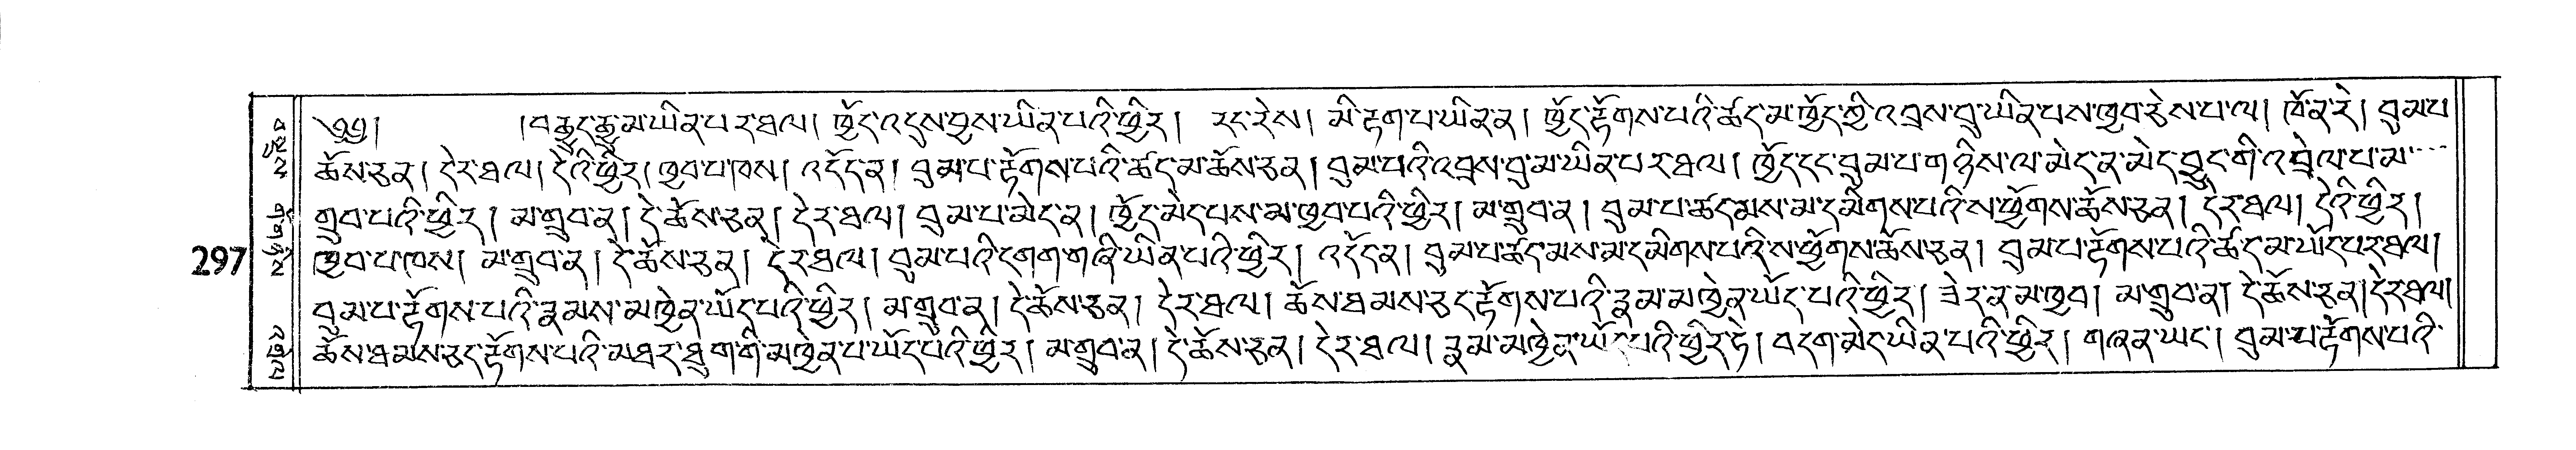༄༅། །བརྒྱུད་རྒྱུ་མ་ཡིན་པར་ཐལ། ཁྱོད་འདུས་བྱས་ཡིན་པའི་ཕྱིར། རང་རེས། མི་རྟག་པ་ཡིན་ན། ཁྱོད་རྟོགས་པའི་ཚད་མ་ཁྱོད་ཀྱི་འབྲས་བུ་ཡིན་པས་ཁྱབ་ཅེས་པ་ལ། ཁོ་ན་རེ། བུམ་པ་
ཆོས་ཅན། དེར་ཐལ། དེའི་ཕྱིར། ཁྱབ་པ་ཁས། འདོད་ན། བུམ་པ་རྟོགས་པའི་ཚད་མ་ཆོས་ཅན། བུམ་པའི་འབྲས་བུ་མ་ཡིན་པར་ཐལ། ཁྱོད་དང་བུམ་པ་གཉིས་ལ་མེད་ན་མེད་བྱུང་གི་འབྲེལ་པ་མ་
གྲུབ་པའི་ཕྱིར། མ་གྲུབ་ན། དེ་ཆོས་ཅན། དེར་ཐལ། བུམ་པ་མེད་ན། ཁྱོད་མེད་པས་མ་ཁྱབ་པའི་ཕྱིར། མ་གྲུབ་ན། བུམ་པ་ཚད་མས་མ་དམིགས་པའི་ས་ཕྱོགས་ཆོས་ཅན། དེར་ཐལ། དེའི་ཕྱིར།
ཁྱབ་པ་ཁས། མ་གྲུབ་ན། དེ་ཆོས་ཅན། དེར་ཐལ། བུམ་པའི་དགག་གཞི་ཡིན་པའི་ཕྱིར། འདོད་ན། བུམ་པ་ཚད་མས་མ་དམིགས་པའི་ས་ཕྱོགས་ཆོས་ཅན། བུམ་པ་རྟོགས་པའི་ཚད་མ་ཡོད་པར་ཐལ།
བུམ་པ་རྟོགས་པའི་རྣམས་མཁྱེན་ཡོད་པའི་ཕྱིར། མ་གྲུབ་ན། དེ་ཆོས་ཅན། དེར་ཐལ། ཆོས་ཐམས་ཅད་རྟོགས་པའི་རྣམ་མཁྱེན་ཡོད་པའི་ཕྱིར། ཟེར་ན་མ་ཁྱབ། མ་གྲུབ་ན། དེ་ཆོས་ཅན། དེར་ཐལ།
ཆོས་ཐམས་ཅད་རྟོགས་པའི་མཐར་ཐུག་གི་མཁྱེན་པ་ཡོད་པའི་ཕྱིར། མ་གྲུབ་ན། དེ་ཆོས་ཅན། དེར་ཐལ། རྣམ་མཁྱེན་ཡོད་པའི་ཕྱིར་ཏེ། བདག་མེད་ཡིན་པའི་ཕྱིར། གཞན་ཡང་། བུམ་པ་རྟོགས་པའི་